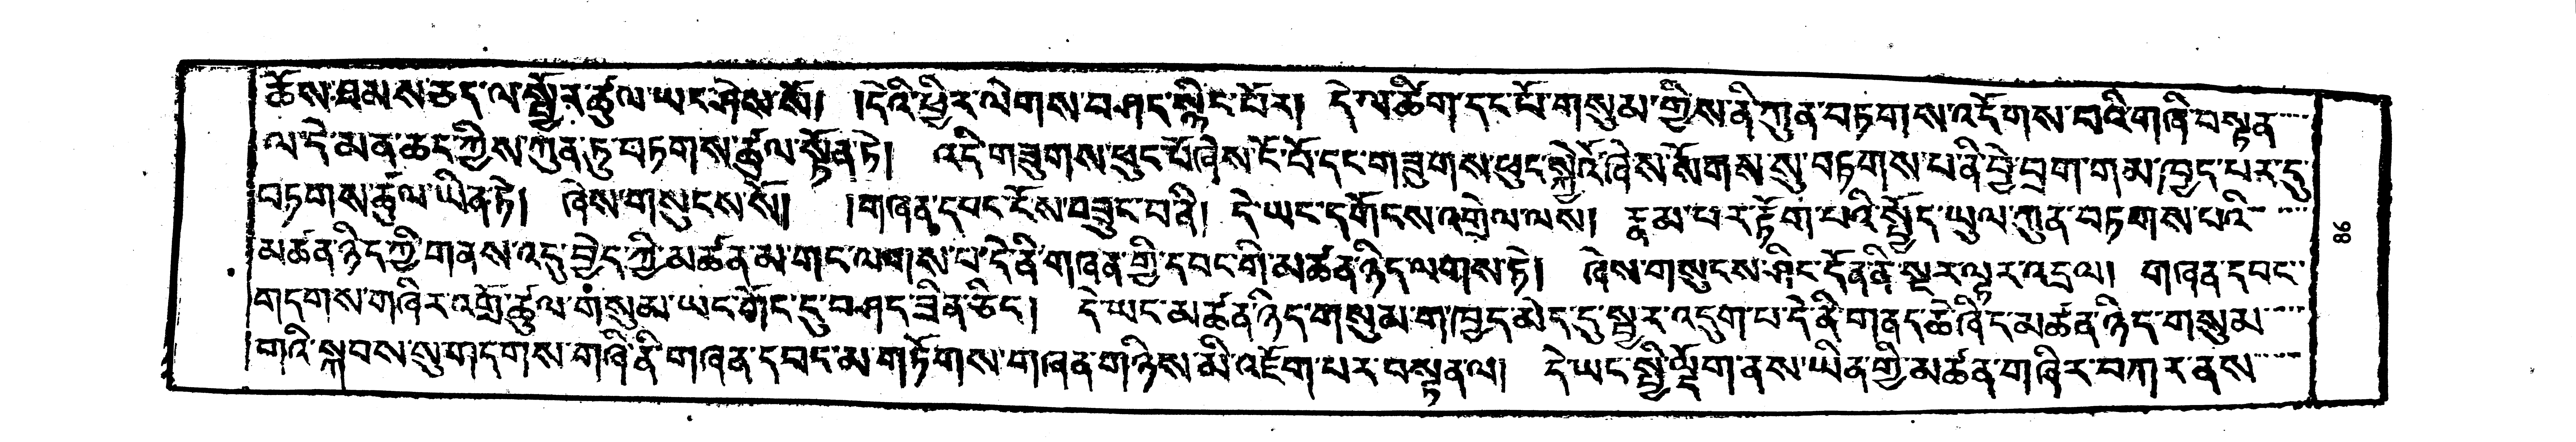ཆོས་ཐམས་ཅད་ལ་སྦྱོར་ཚུལ་ཡང་ཤེས་སོ། །དེའི་ཕྱིར་ལེགས་བཤད་སྙིང་པོར། དེ་ལ་ཚིག་དང་པོ་གསུམ་གྱིས་ནི་ཀུན་བཏགས་འདོགས་པའི་གཞི་བསྟན་
ལ་དེ་མན་ཆད་ཀྱིས་ཀུན་ཏུ་བཏགས་ཚུལ་སྟོན་ཏེ། འདི་གཟུགས་ཕུང་པོ་ཞེས་ངོ་བོ་དང་གཟུགས་ཕུང་སྐྱེའོ་ཞེས་སོགས་སུ་བཏགས་པ་ནི་བྱེ་བྲག་གམ་ཁྱད་པར་དུ་
བཏགས་ཚུལ་ཡིན་ཏེ། ཞེས་གསུངས་སོ། །གཞན་དབང་ངོས་བཟུང་བ་ནི། དེ་ཡང་དགོངས་འགྲེལ་ལས། རྣམ་པར་རྟོག་པའི་སྤྱོད་ཡུལ་ཀུན་བཏགས་པའི་
མཚན་ཉིད་ཀྱི་གནས་འདུ་བྱེད་ཀྱི་མཚན་མ་གང་ལགས་པ་དེ་ནི་གཞན་གྱི་དབང་གི་མཚན་ཉིད་ལགས་ཏེ། ཞེས་གསུངས་ཤིང་དོན་ནི་སྔར་ལྟར་འདྲལ། གཞན་དབང་
གདགས་གཞིར་འགྲོ་ཚུལ་གསུམ་ཡང་གོང་དུ་བཤད་ཟིན་ཅིང་། དེ་ཡང་མཚན་ཉིད་གསུམ་ག་ཁྱད་མེད་དུ་སྦྱར་འདུག་པ་དེ་ནི་གནད་ཆེ་ཞིང་མཚན་ཉིད་གསུམ་
གའི་སྐབས་སུ་གདགས་གཞི་ནི་གཞན་དབང་མ་གཏོགས་གཞན་གཉིས་མི་འཇོག་པར་བསྟན་ལ། དེ་ཡང་སྤྱི་ལྡོག་ནས་ཡིན་གྱི་མཚན་གཞིར་བཀར་ནས་